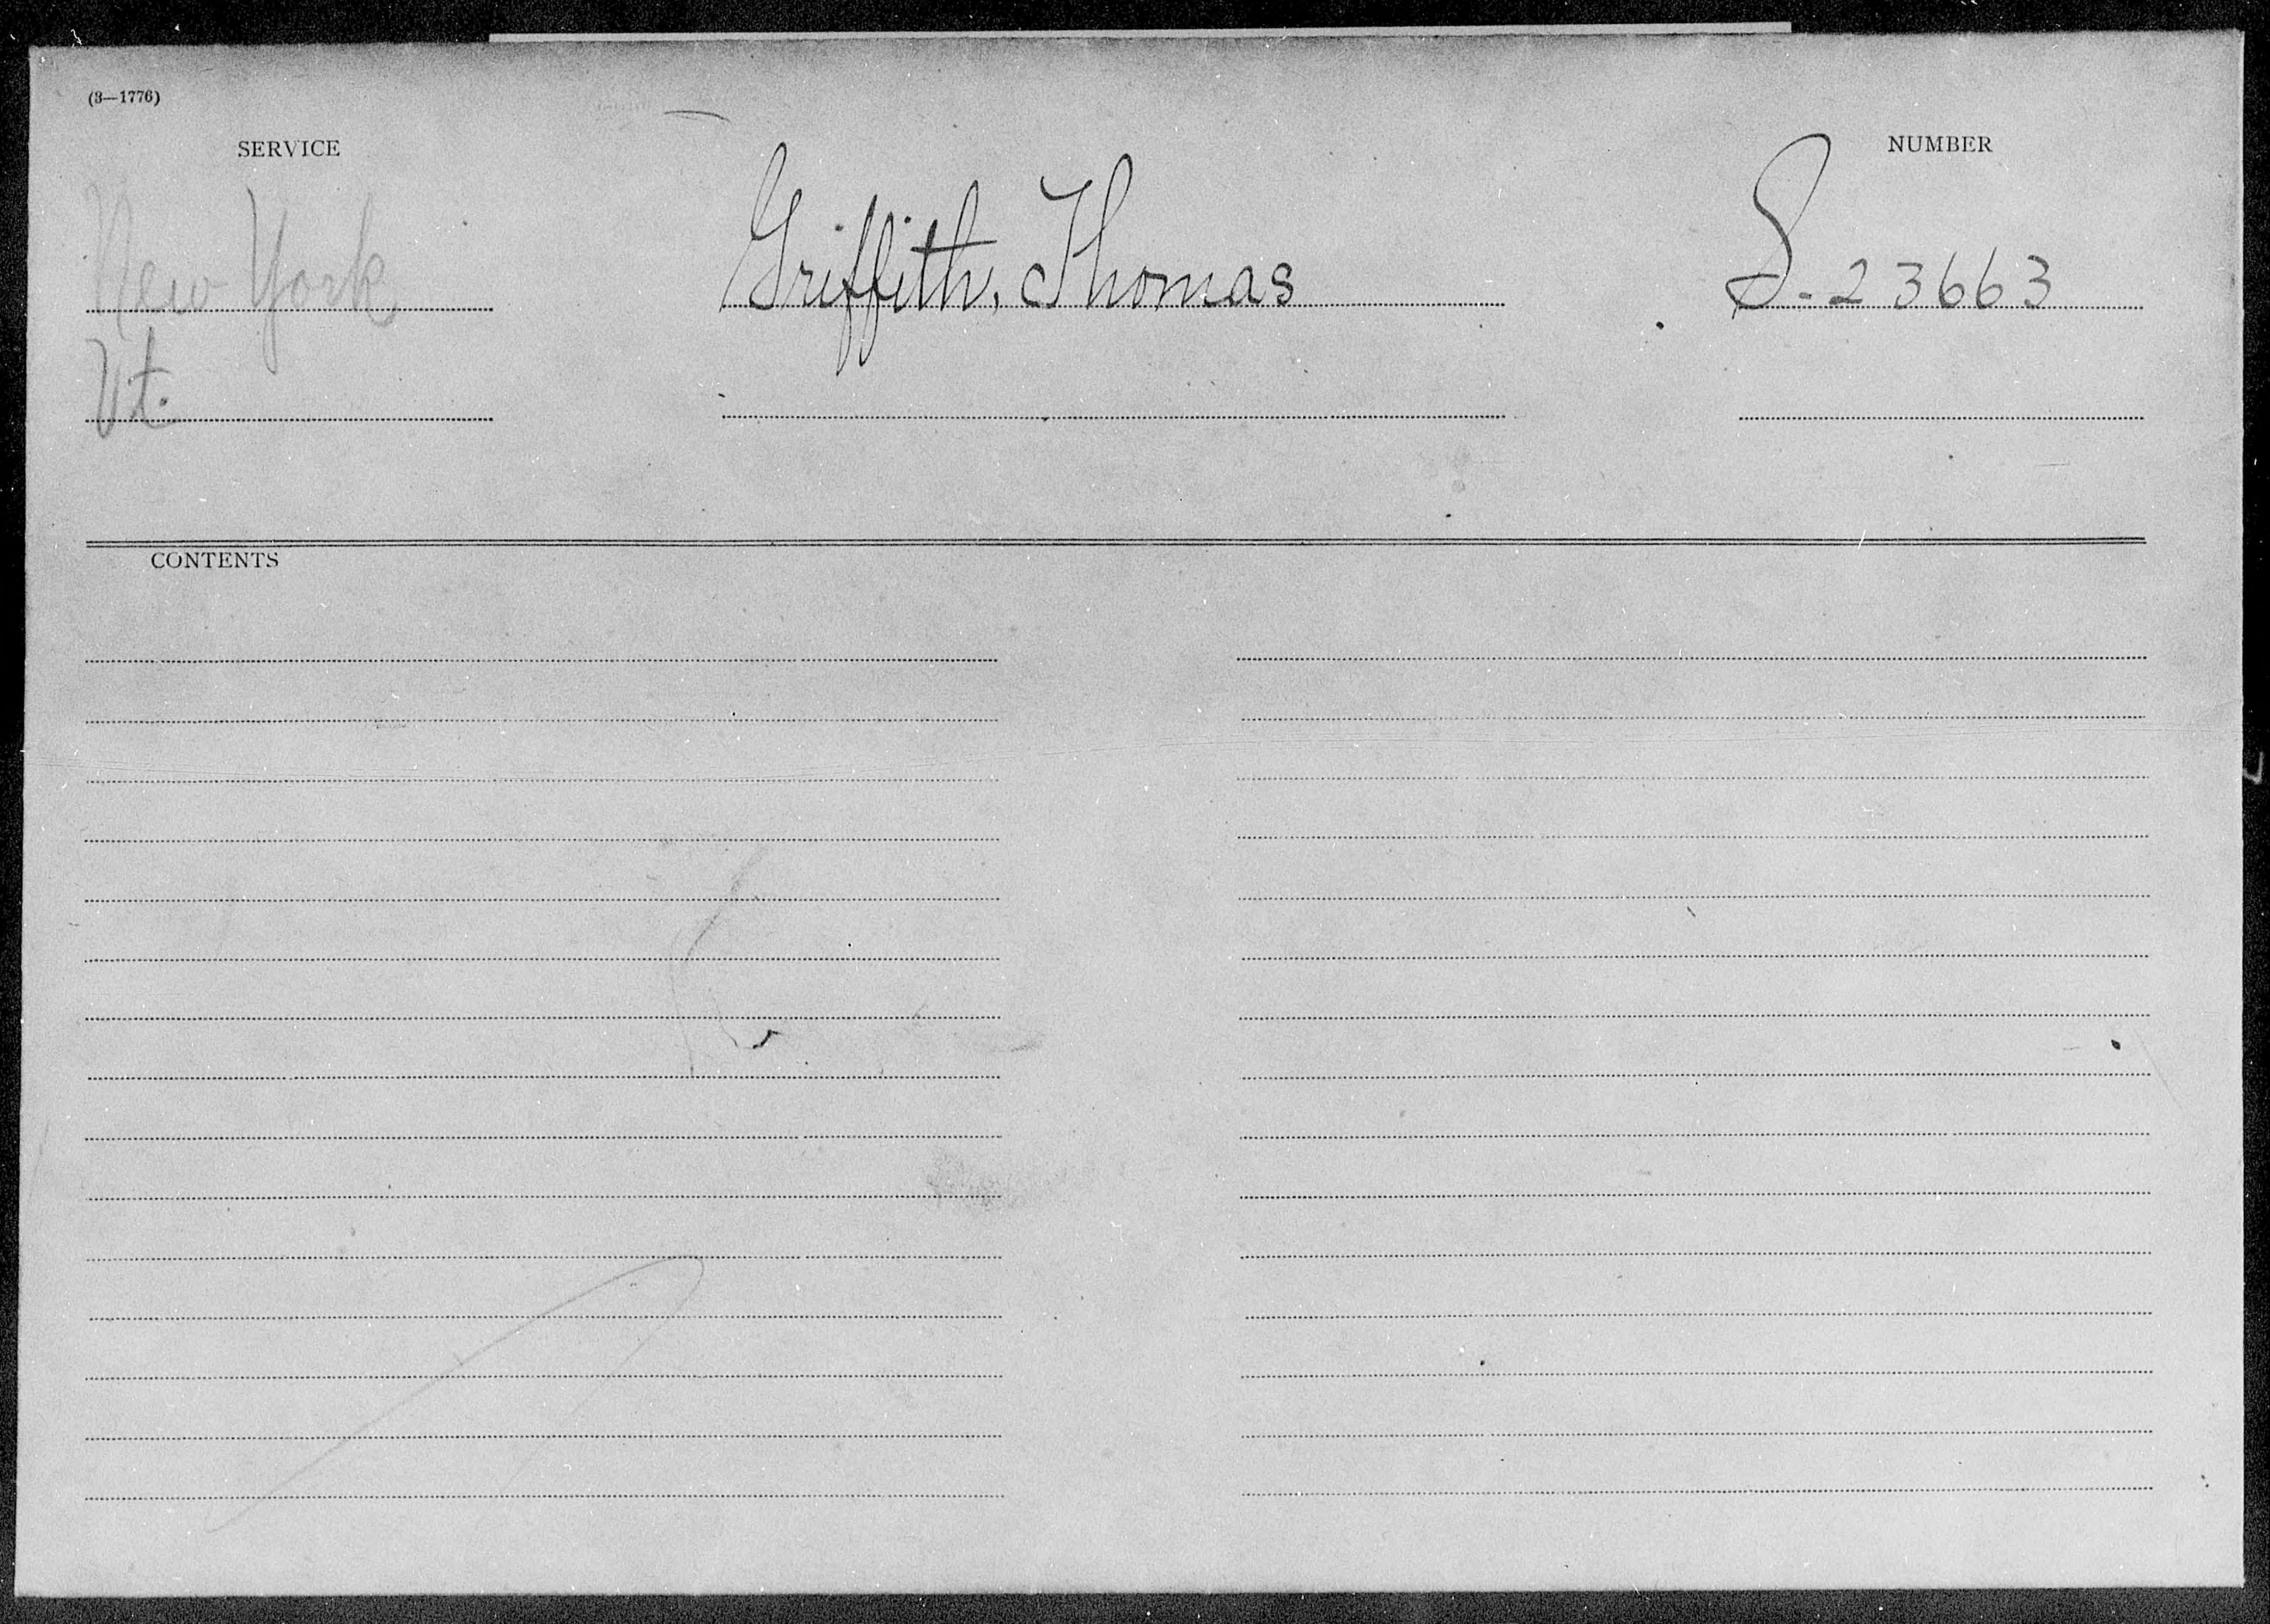(3-1776)

SERVICE
New York
Vt.

Griffith, Thomas

NUMBER
S. 23663

CONTENTS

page: 1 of 14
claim: survivor's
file: S. 23663, Thomas Griffith, New York Vt.